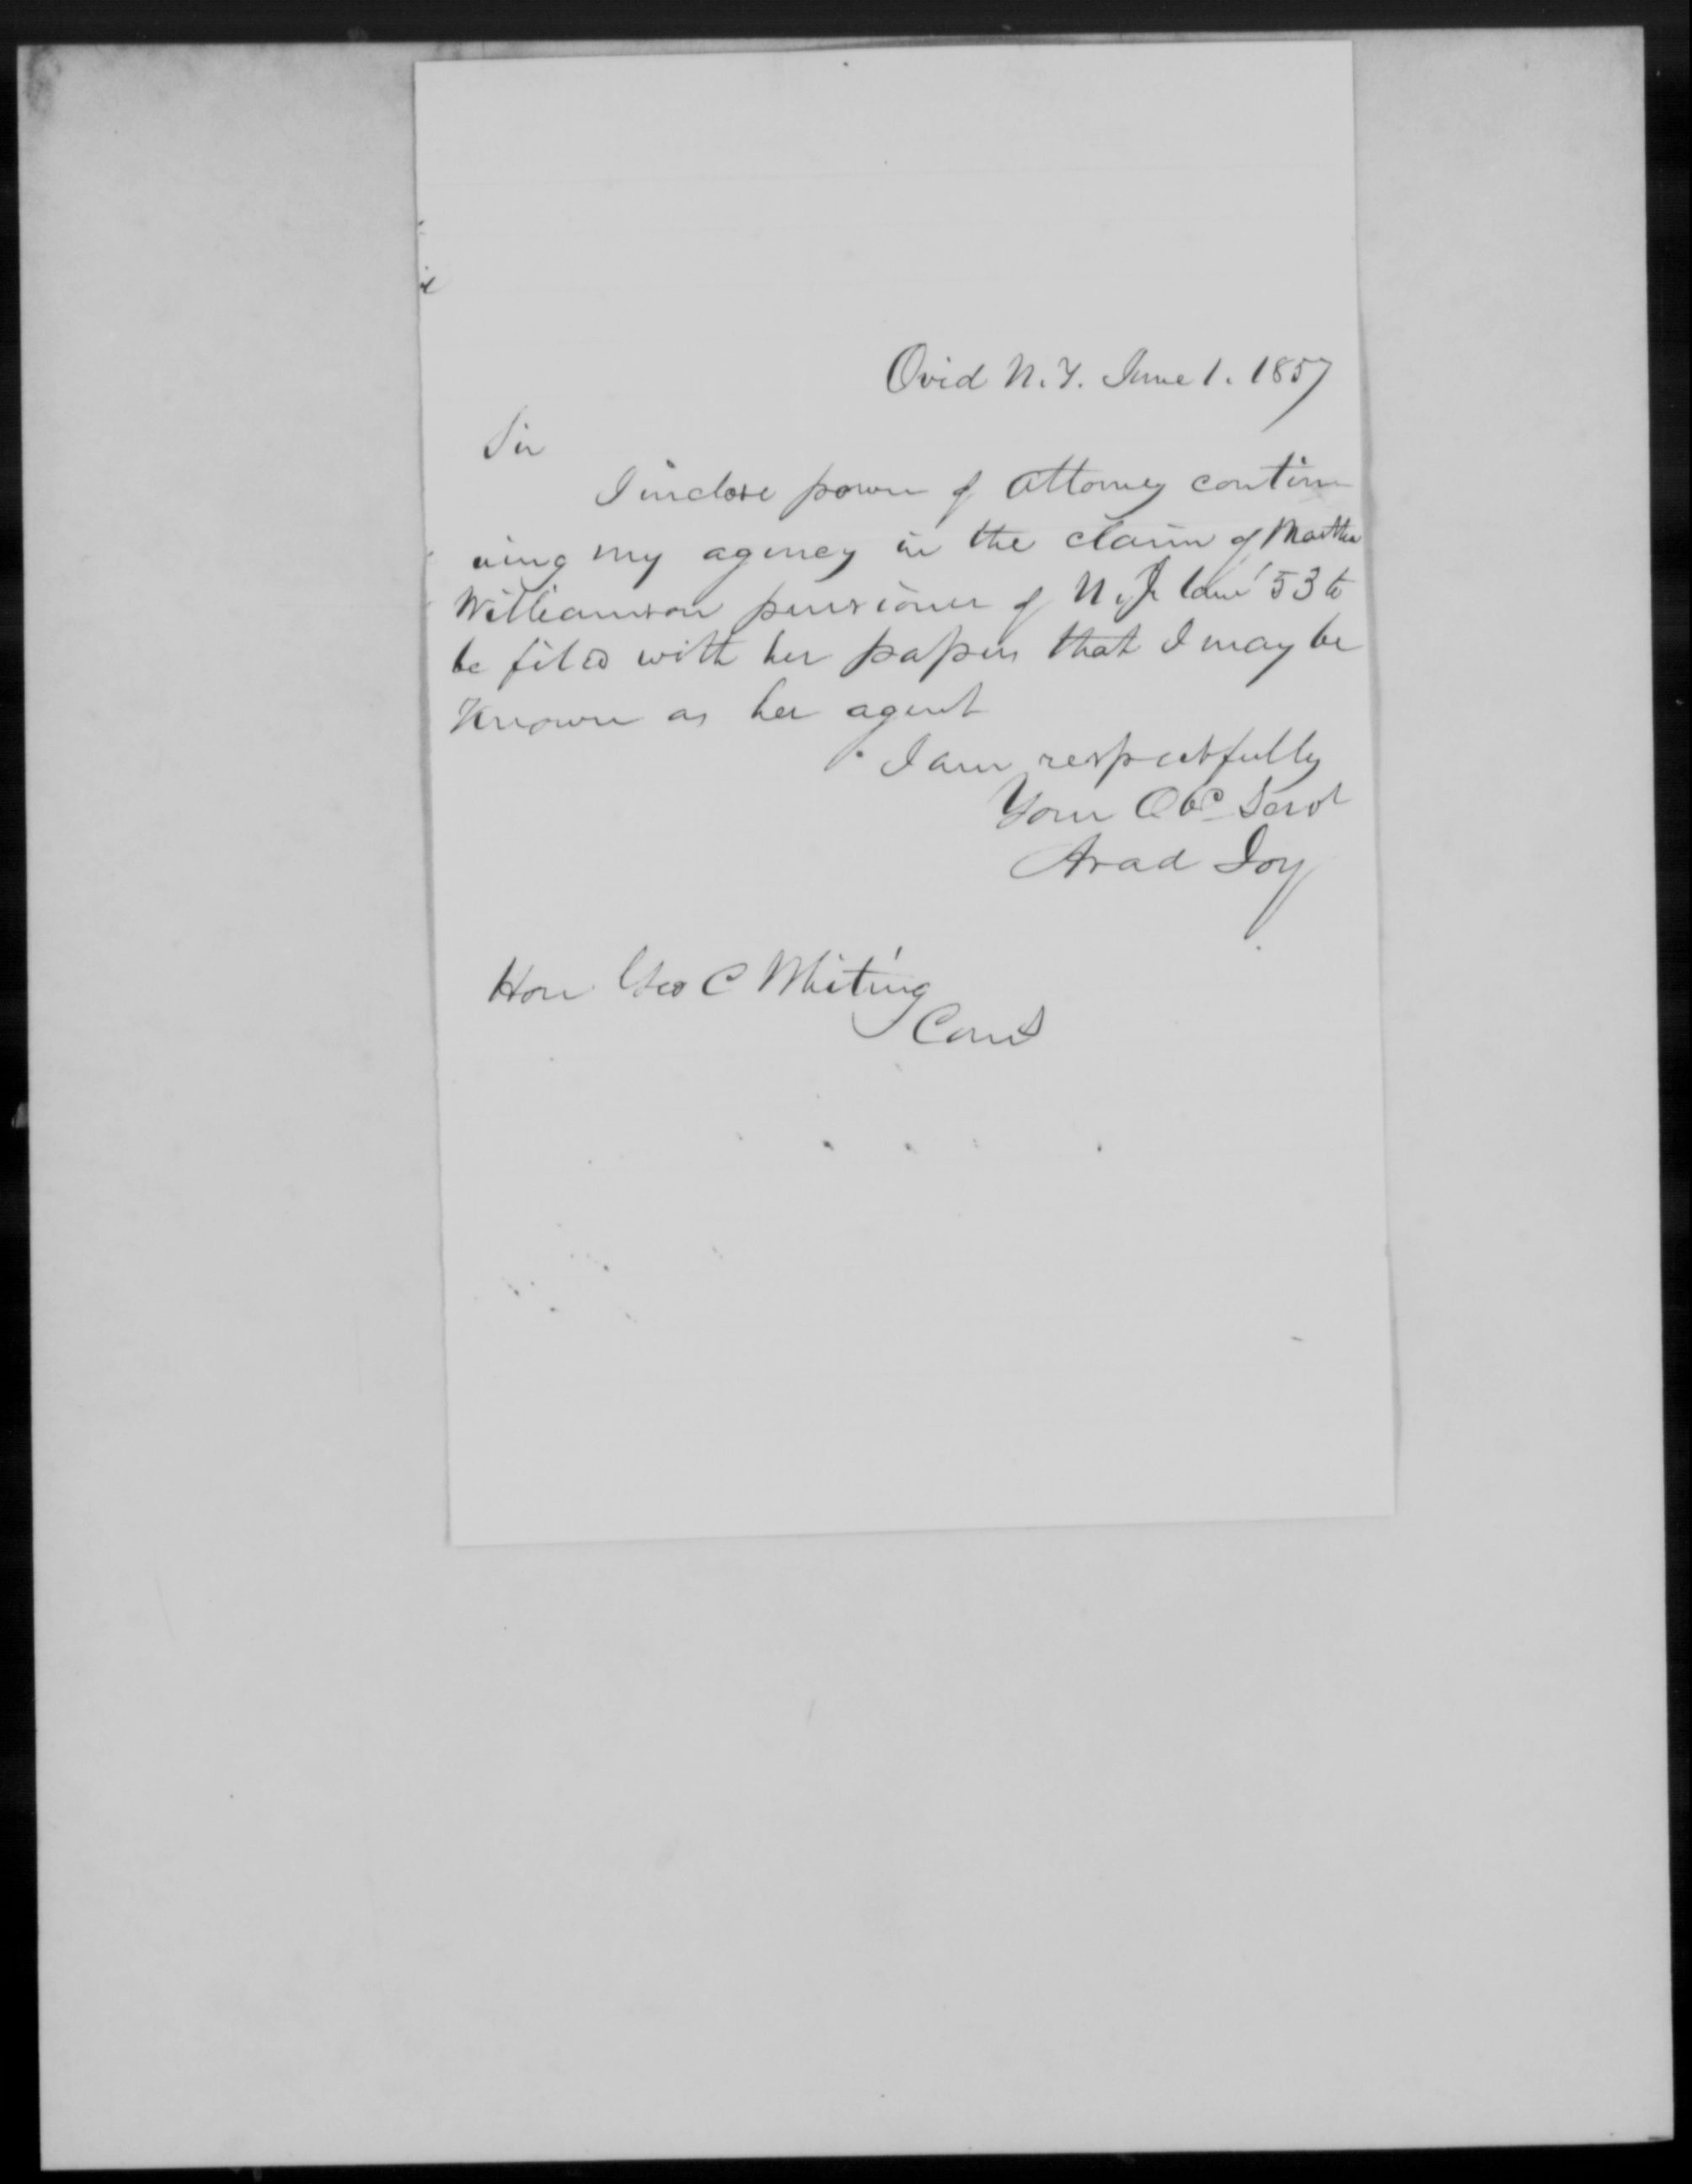Ovid, N.Y., June 1, 1857.

Sir,

I enclose Power of Attorney containing my agency in the claim of Martha Williamson, pensioner of N.J., law '53 to be filed with her papers that I may be known as her agent.

I am respectfully your obe(dient) ser(vant),
s/ Arad Joy 

Hon. Geo. C. Whiting
Comm(issioner of Pensions)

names: Arad Joy, Geo C Whiting, Martha Williamson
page: 42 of 67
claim: widow's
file: W. 2393, Jacob Williamson, New Jersey